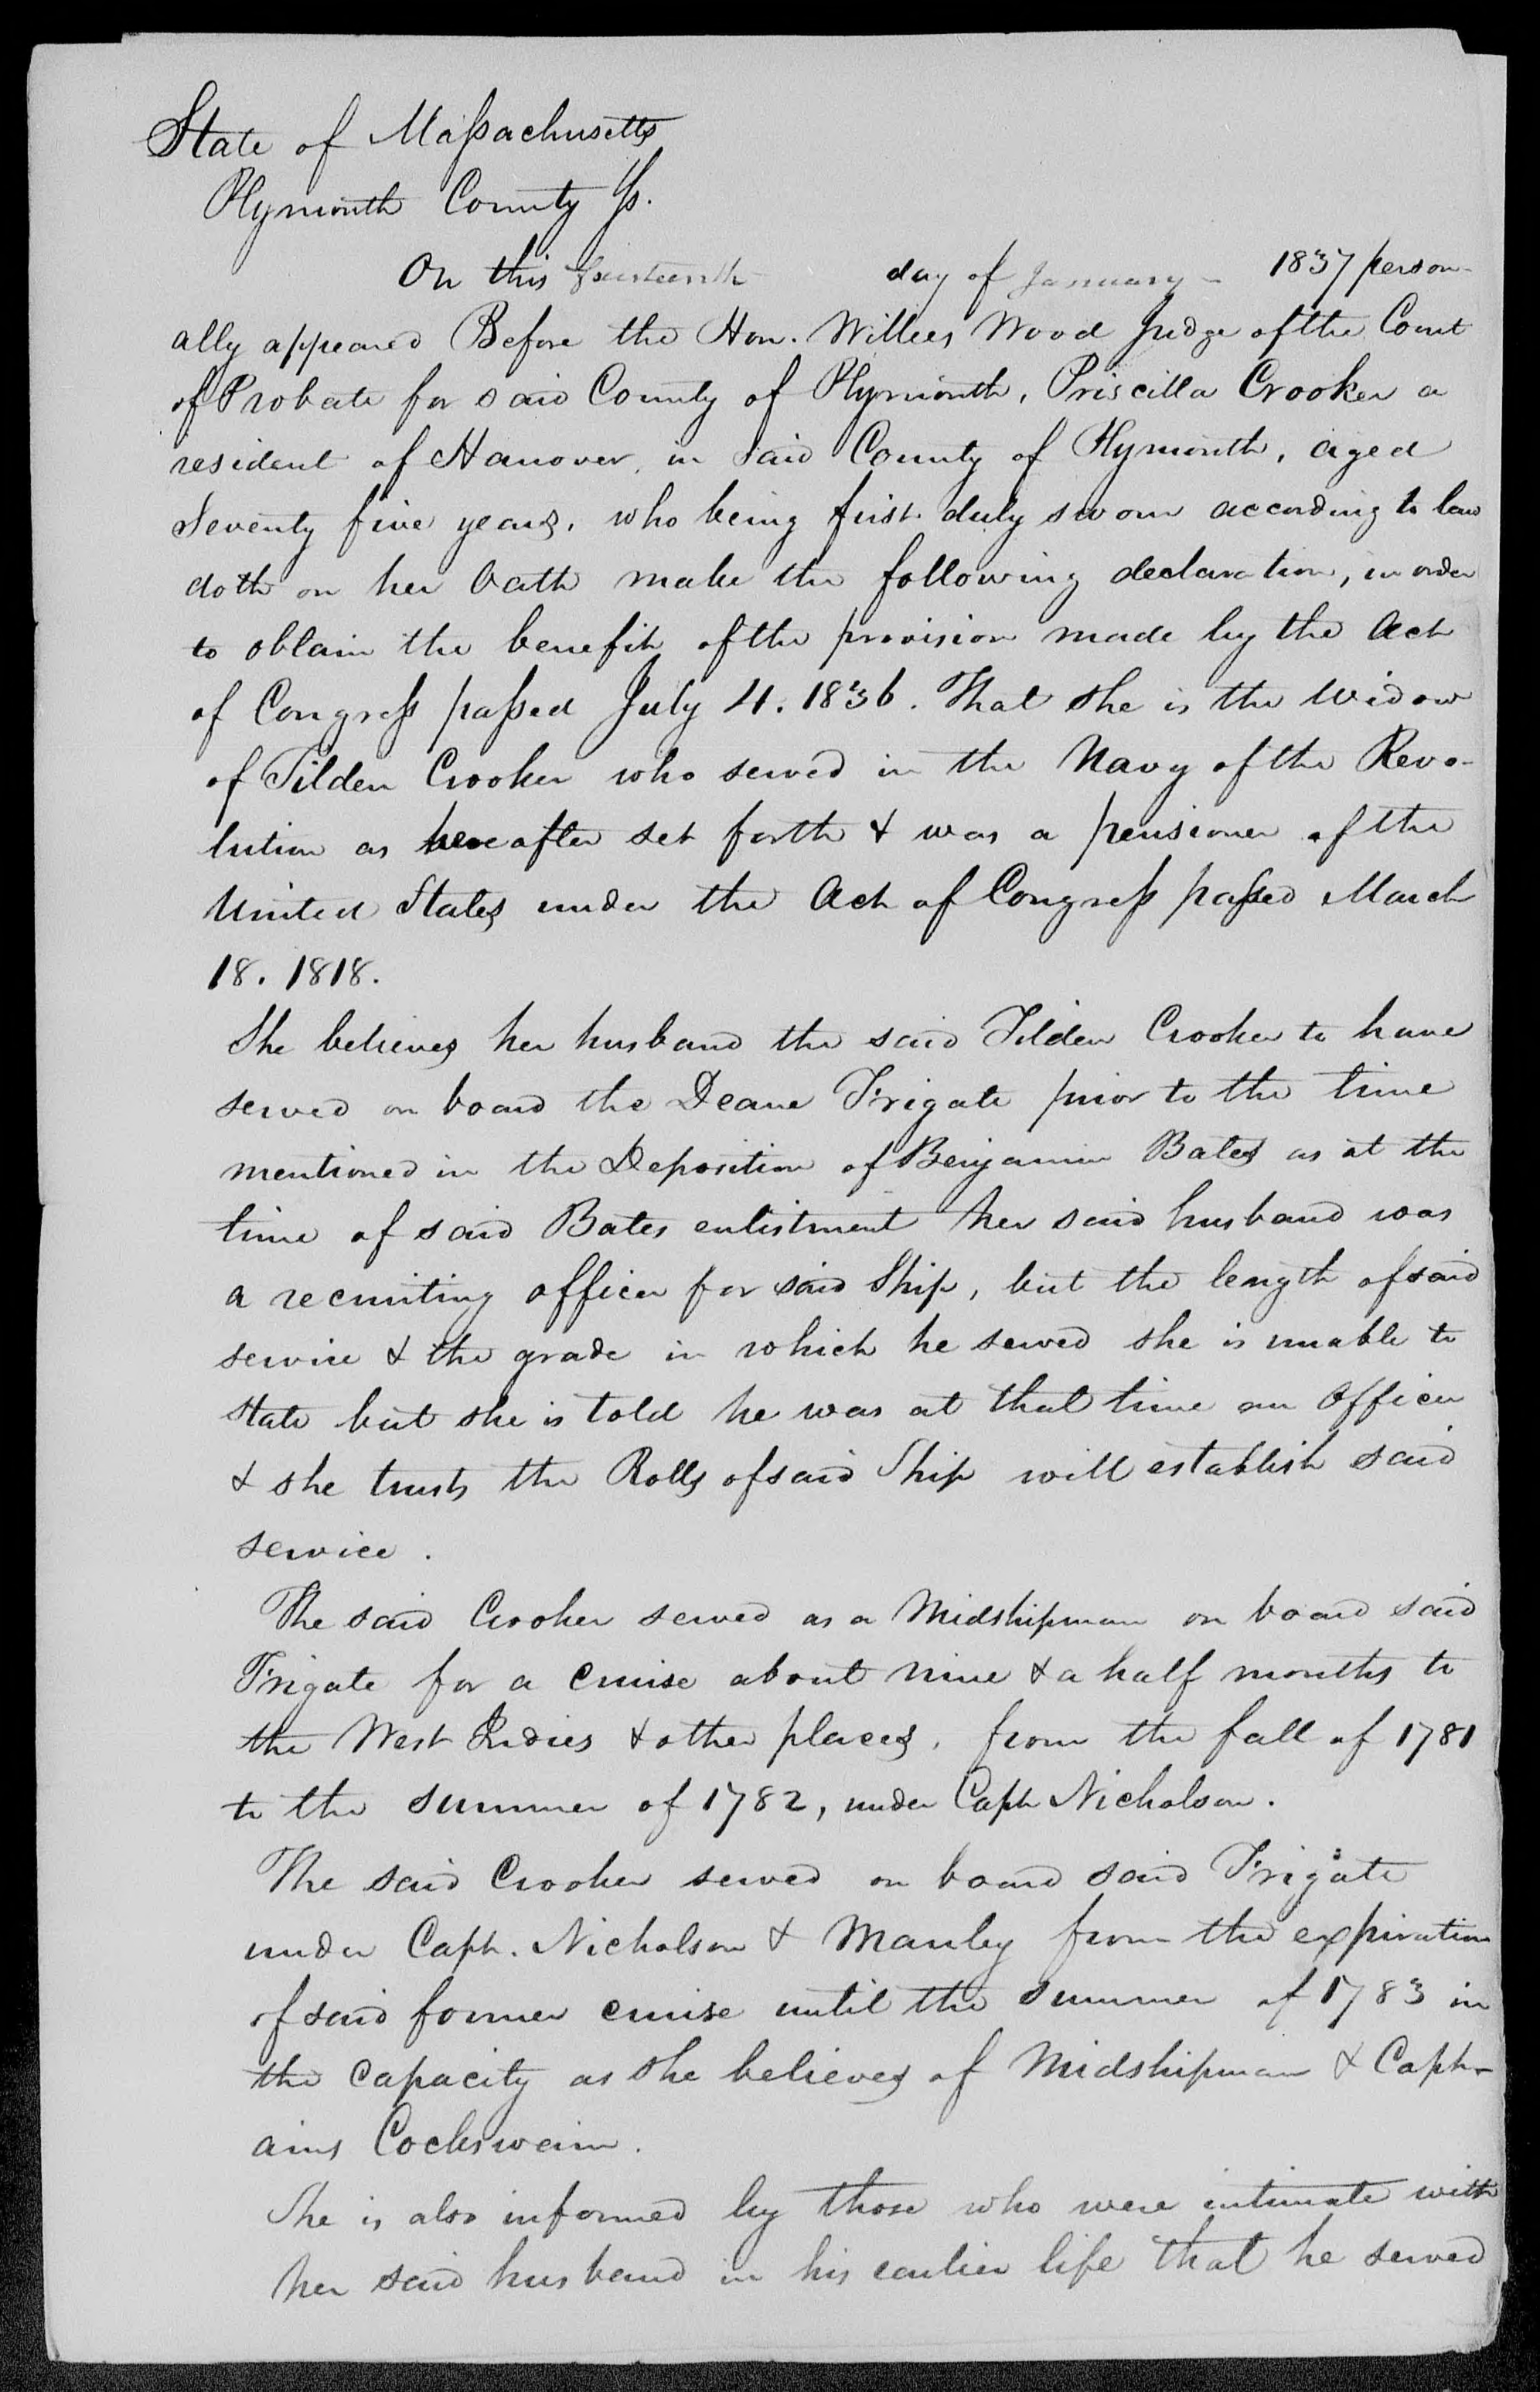State of Massachusetts
Plymouth County ss.

On this fourteenth day of January 1837 personally appeared Before the Hon. Willis Wood Judge of the Court of Probate for said County of Plymouth, Priscilla Crooker a resident of Hanover, in said County of Plymouth, aged Seventy five years, who being first duly sworn according to law doth on her oath make the following declaration; in order to obtain the benefit of the provision made by the Act of Congress passed July 4, 1836.  That she is the widow of Tilden Crooker who served in the Navy of the Revolution as hereafter set forth and was a pensioner of the United States under the Act of Congress passed March 18,1818.
She believes her husband the said Tilden Crooker to have served on board the Dean Frigate prior the time mentioned in the Deposition of Benjamin Bates as at the time of said Bates enlistment her said husband was a recruiting officer for said ship, but the length of said service and the grade in which he served she is unable to state but she is told he was at that time an officer and she trusts the Rolls of said ship will establish said service.
The said Crooker served as a Midshipman on board said Frigate for a cruise about nine and a half months to the West Indies and other places, from the fall of 1781 to the summer of 1782, under Capt. Nicholson.
The said Crooker served on board said Frigate under Capt. Nicholson and Manley from the expiration of said former cruise until the summer of 1783 in the capacity as hse believes of Midshipman and Captains' Cockswain.
She is also informed by those who were initimate with her said husband in his earlier life that he served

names: Bates, Benjamin Bates, Tilden Crooker, Nicholson, Crooker, Cockswain, Priscilla Crooker, Crooker, Manley, Nicholson, Tilden Crooker, Willies Wood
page: 8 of 33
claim: widow's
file: W. 22862, Tilden Crooker, Mass Navy